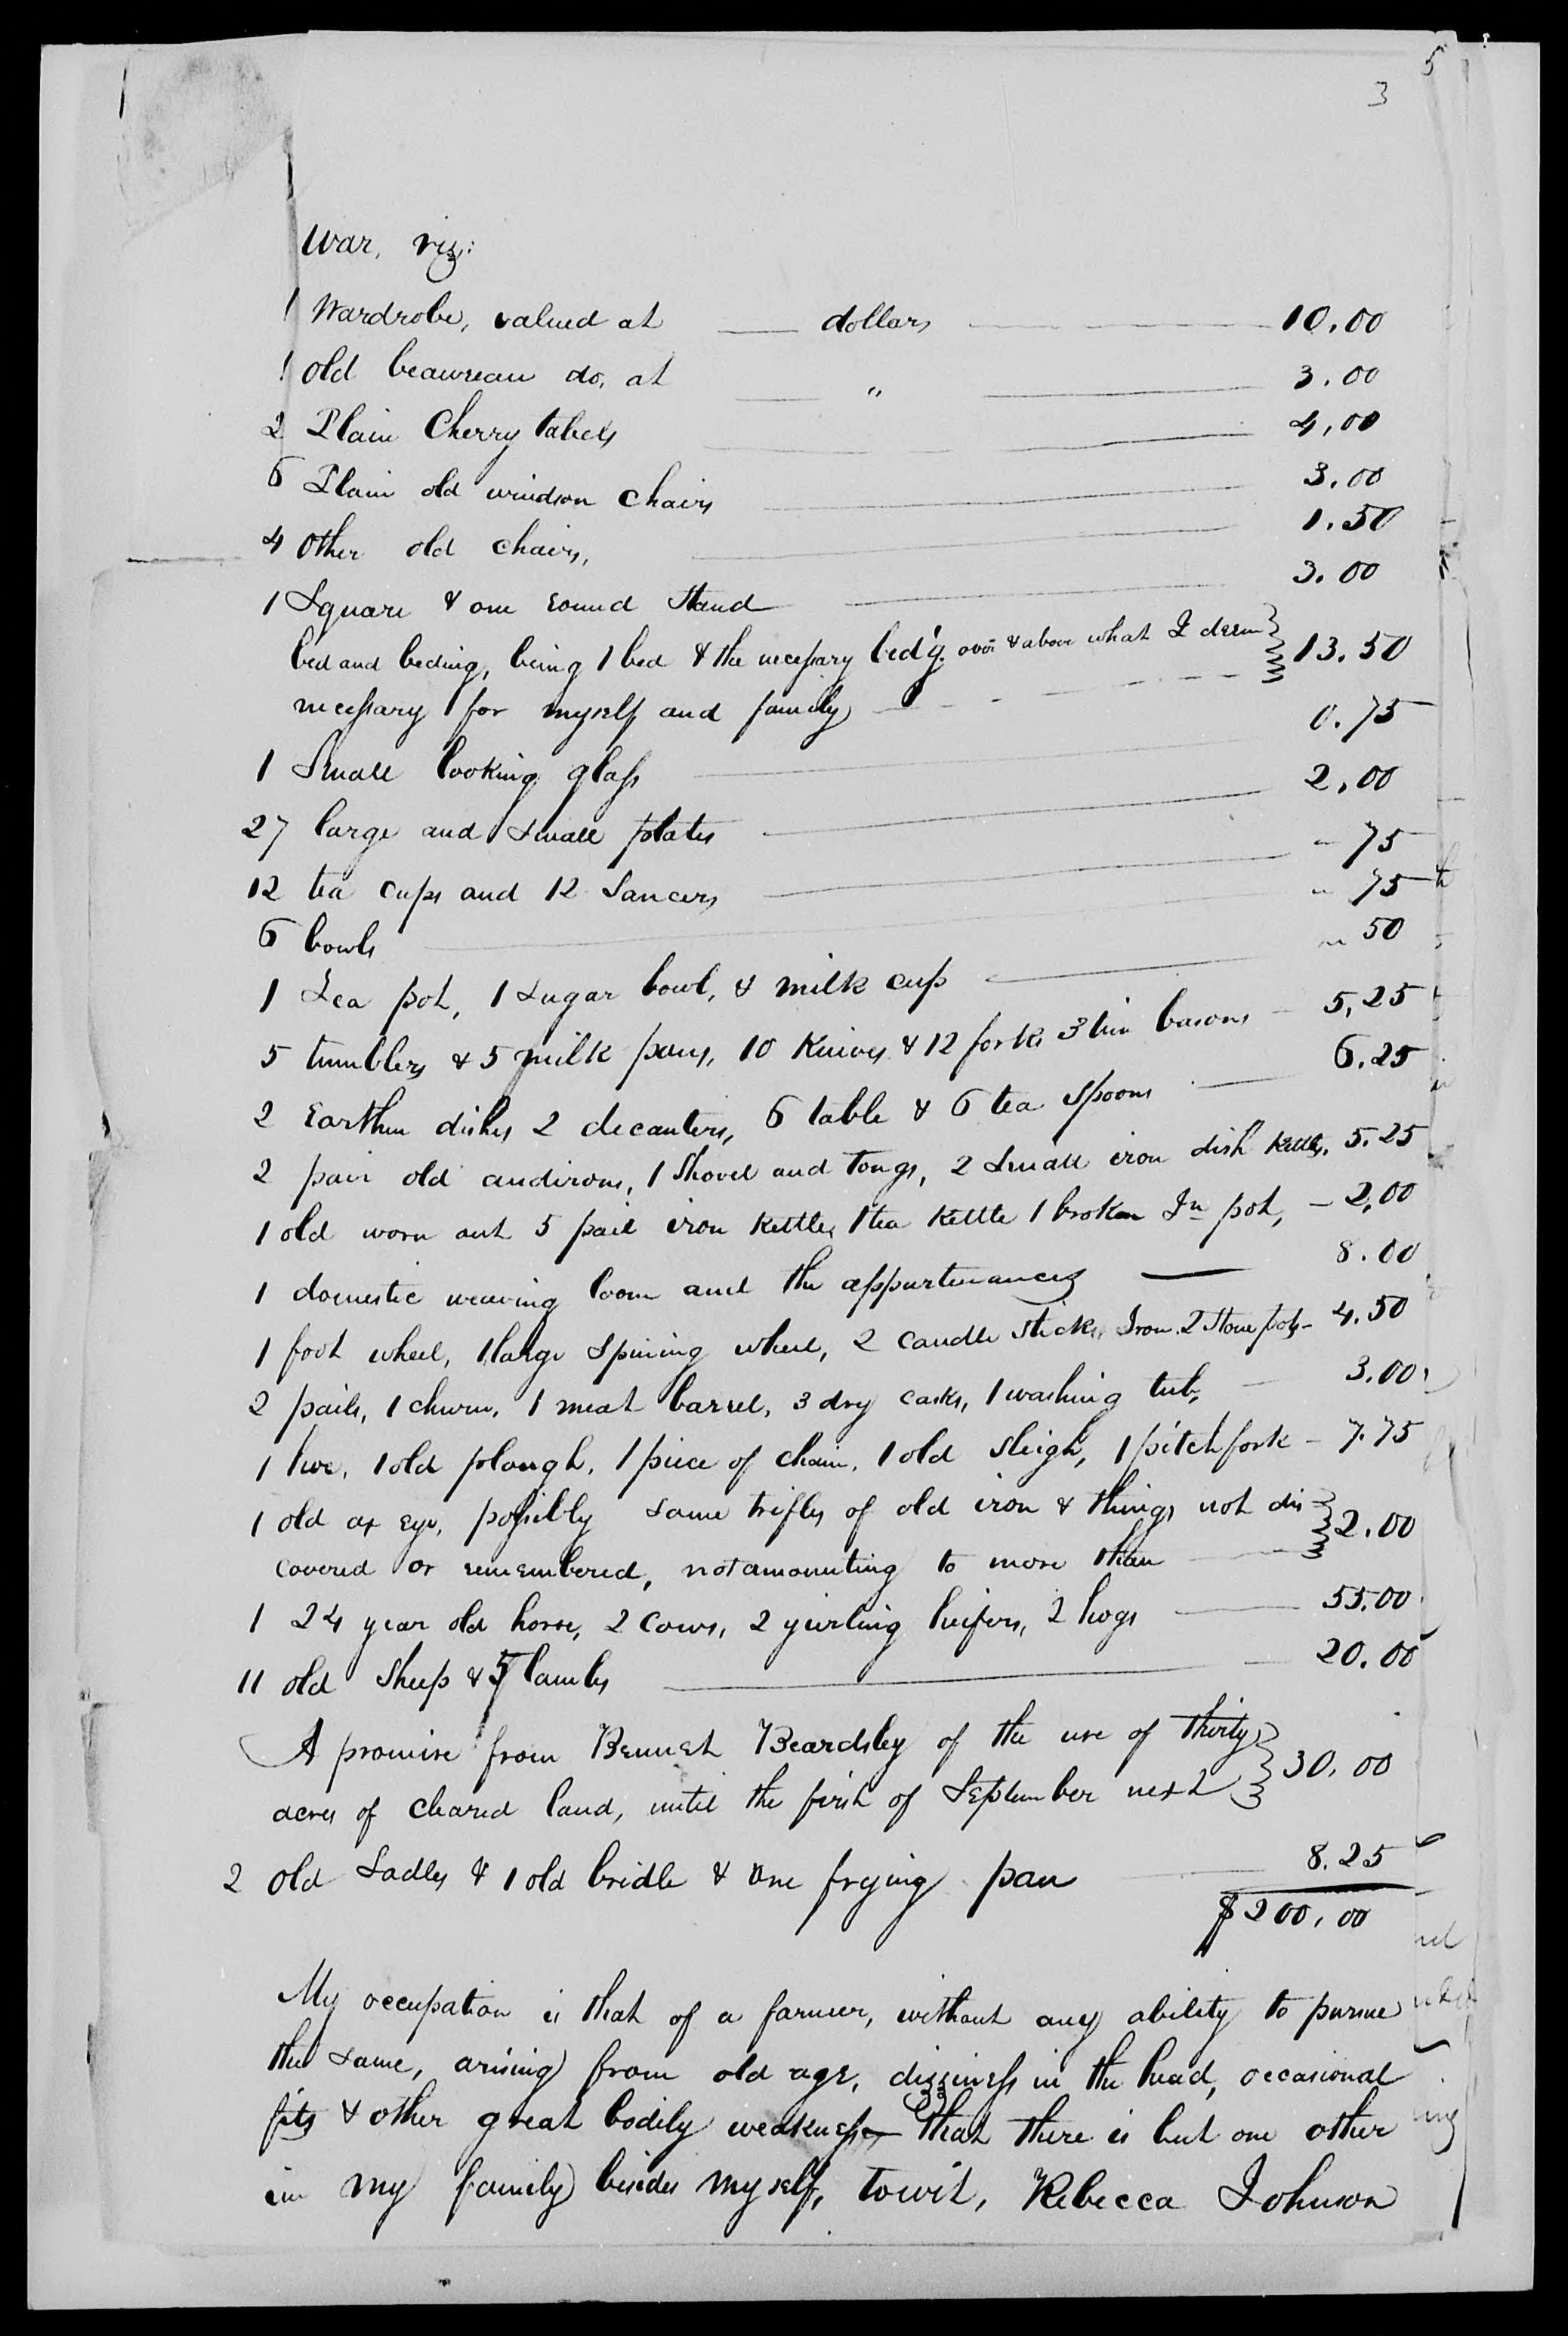War viz:
1 wardrobe, valued at      dollars    10.00
1 old bureau valued at   dollars        3.00
2 Plain Cherry tables                        4.00
6 Plain old windsor chairs                3.00
4 other old chairs                              1.50
1 Square & one round stand             3.00
Bed and bedding being 1 bed & the necessary bedding over & above what I deem necessary for myself & family  13.50
1 Small looking glass                       0.75
27 large and small plates                  2.00
12 tea cups and 12 saucers               0.75
6 bowls                                             0.75
1 teapot, 1 sugar bowl & milk cup   0.50
5 tumblers & 5 milk pans, 10 knives & 12 forks 3 tin basins 5.25
2 Earthen dishes & 2 decanters, 6 table & 6 tea spoons  6.25
2 pair old andirons, 1 shovel & tongs, 2 small iron dish kettles 5.25
1 old worn out 5 pail iron kettles, 1 tea kettle 1 broken iron pot  2.00
1 domestic weaving loom and the appurtenances  8.00
1 foot wheel, I large spinning wheel, 2 candle sticks, iron 2 stove pots  4.50
2 pails, 1 churn, 1 meal barrel, 3 dry casks, 1 washing tub  3.00
1 hoe, 1 old plough, 1 piece of chain, 1 old sleigh, 1 pitchfork  7.75
1 old ax eye, possibly some trifles of old iron & things not discovered or remembered, not amounting to more than } 2.00
1 24 year old horse, 2 cows, 2 yearlings heifers, 2 hogs  55.00
11 old sheep & 5 lambs                   20.00
A promise from Beruch Beardsley of the use of thirty acres of cleared land until the first of September next} 20.00
2 old saddles & 1 old bridle & one frying pan  8.25
$200.00
My occupation is that of a farmer, without any ability to pursue the same, arising from old age, dizziness in the head, occasional fits & other great bodily weakness that there is but one other in my family besides myself, to wit, Rebecca Johnson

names: Rebecca Johnson; Bennet Beardsley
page: 10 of 43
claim: rejected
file: R. 5655, for Samuel Johnson, Connecticut